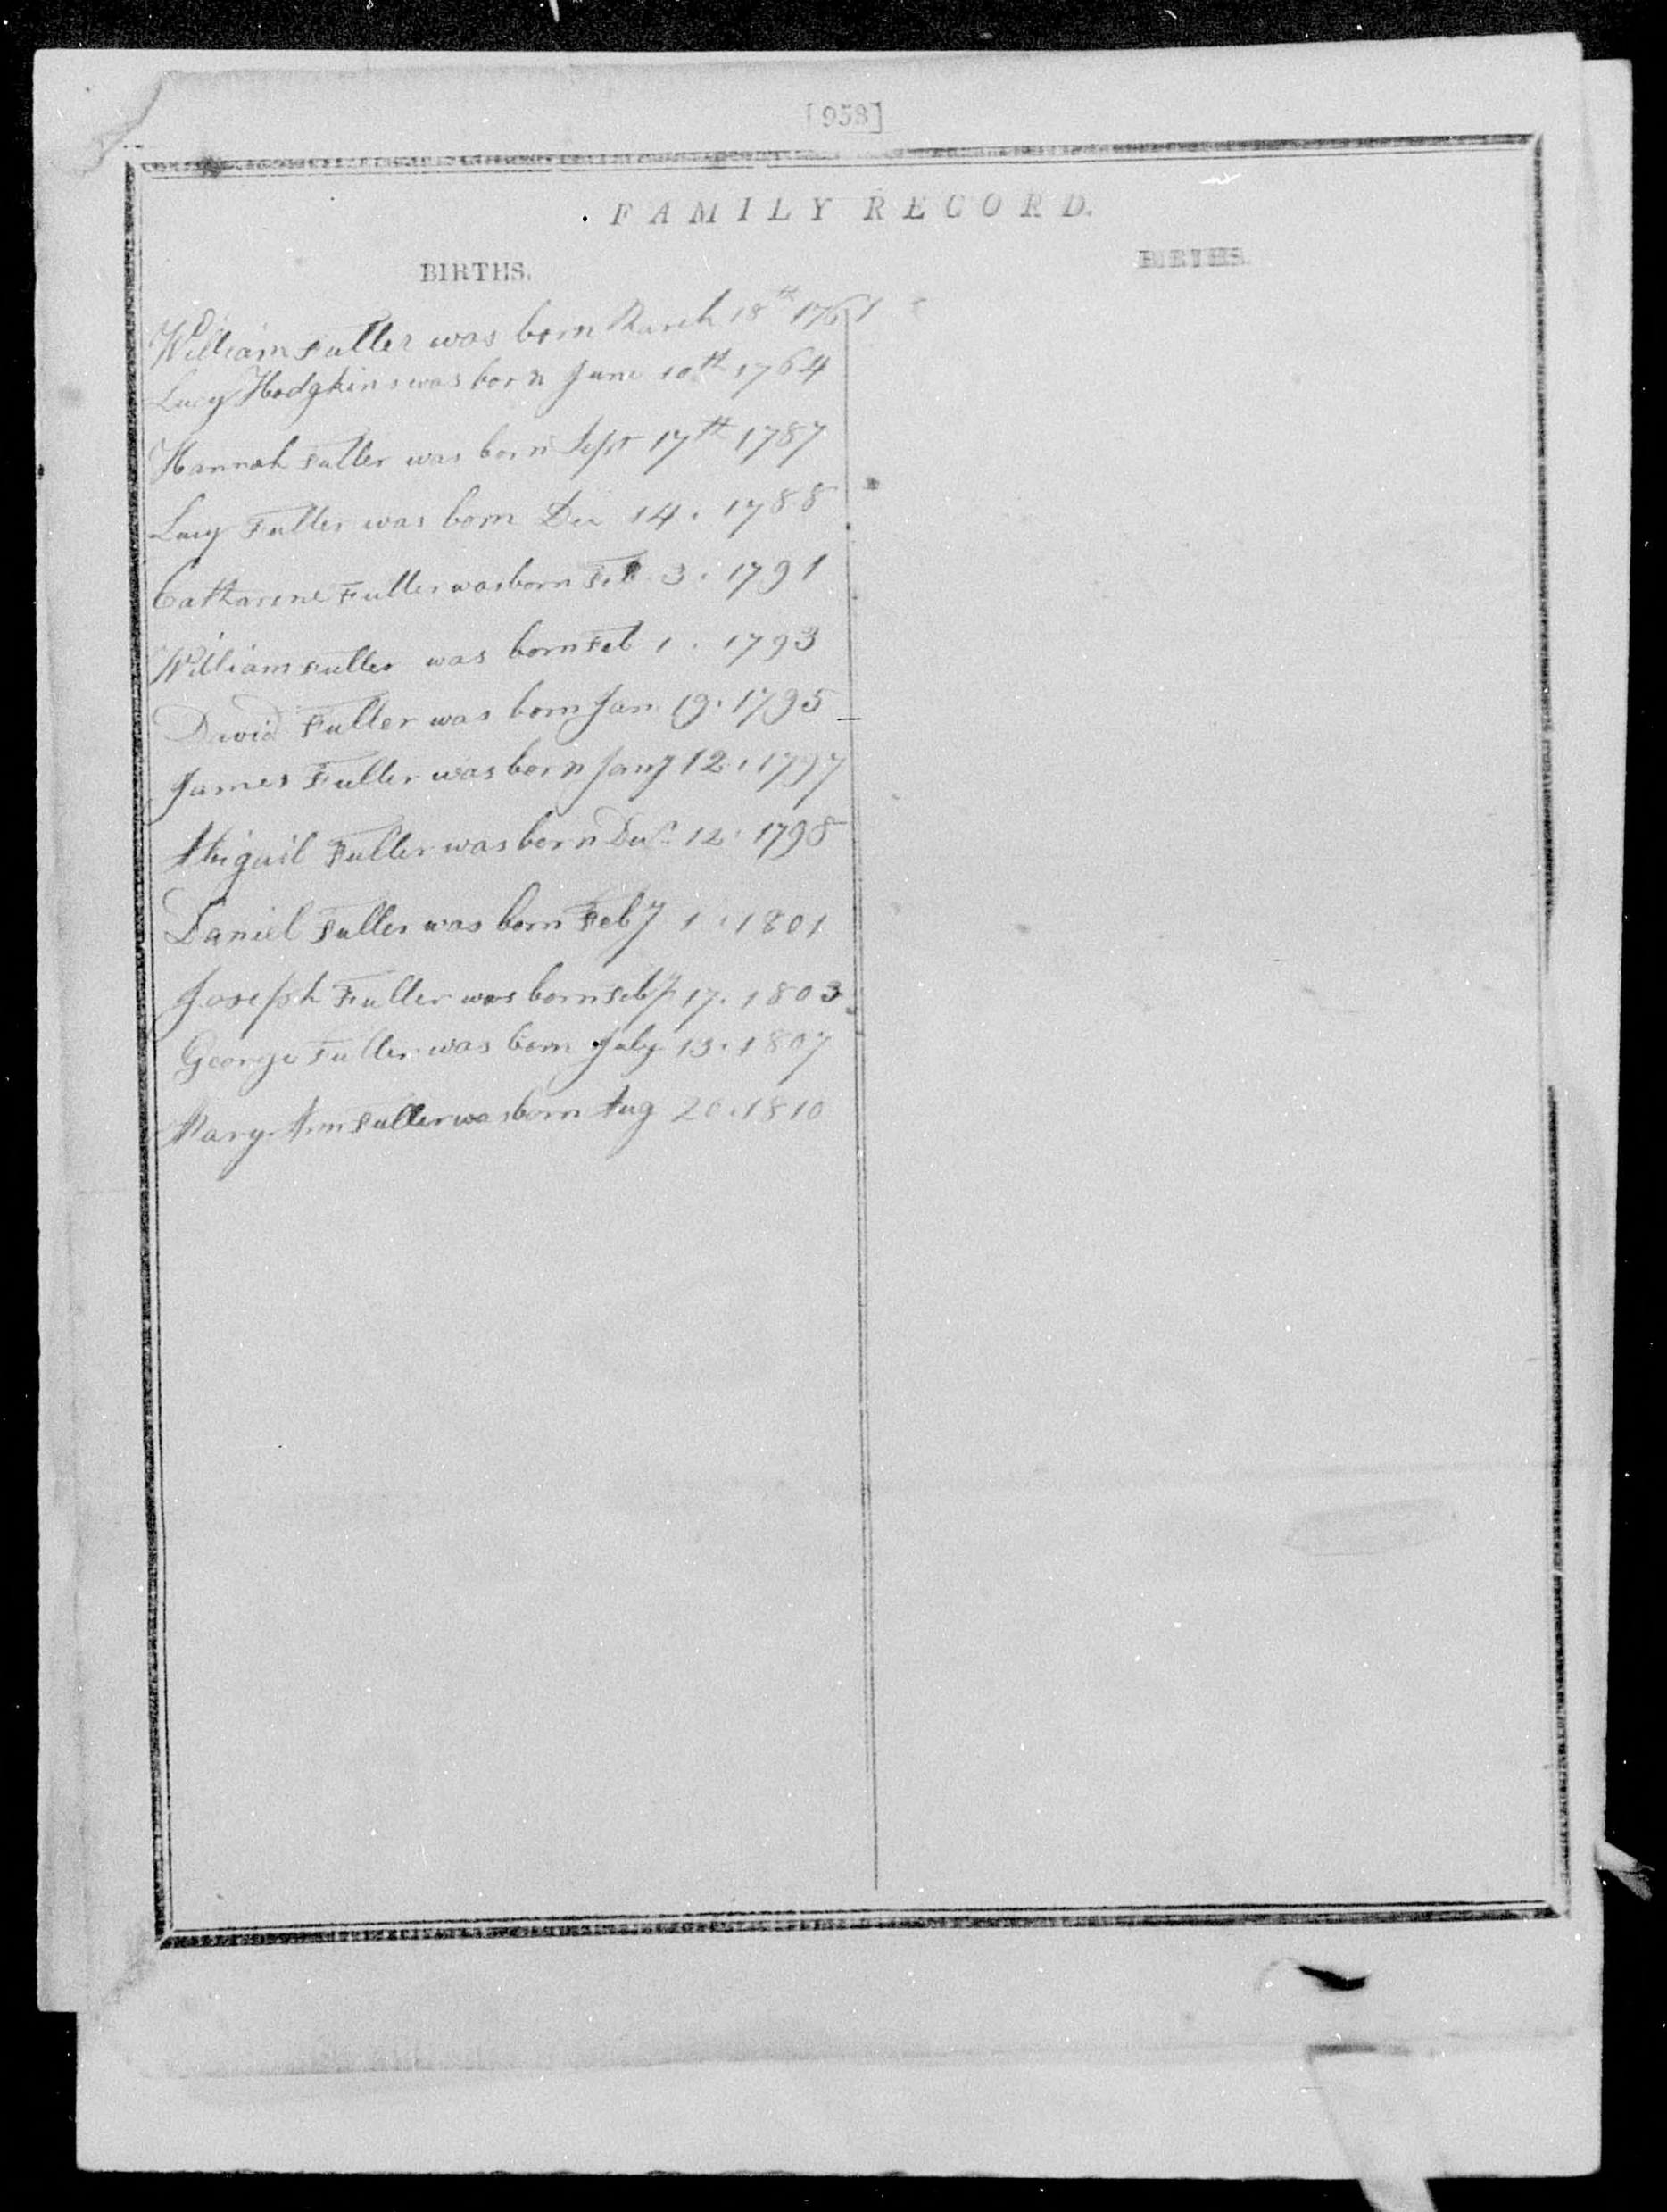[958]
FAMILY RECORD.
BIRTHS.
William Fuller was born March 18th 1761
Lucy Hodgkins was born June 10th 1764
Hannah Fuller was born Sept 17th 1787
Lucy Fuller was born Dec 14, 1788
Catherine Fuller was born Feb 3, 1791
William Fuller was born Feb 1, 1793
David Fuller was born Jan 19, 1795
James Fuller was born Jan’y 12, 1797
Abigail Fuller was born Dec 12, 1798
Daniel Fuller was born Feb’y 1, 1801
Joseph Fuller was born Feb’y 17, 1803
George Fuller was born July 13, 1807
Mary Ann Fuller was born Aug 20, 1810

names: George Fuller, David Fuller, Daniel Fuller, Lucy Fuller, William Fuller, Hannah Fuller, William Fuller, Mary Ann Fuller, Abigail Fuller, James Fuller, Lucy Hodgkins, Catharine Fuller, Joseph Fuller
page: 16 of 45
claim: widow's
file: W. 17933, William Fuller, Mass